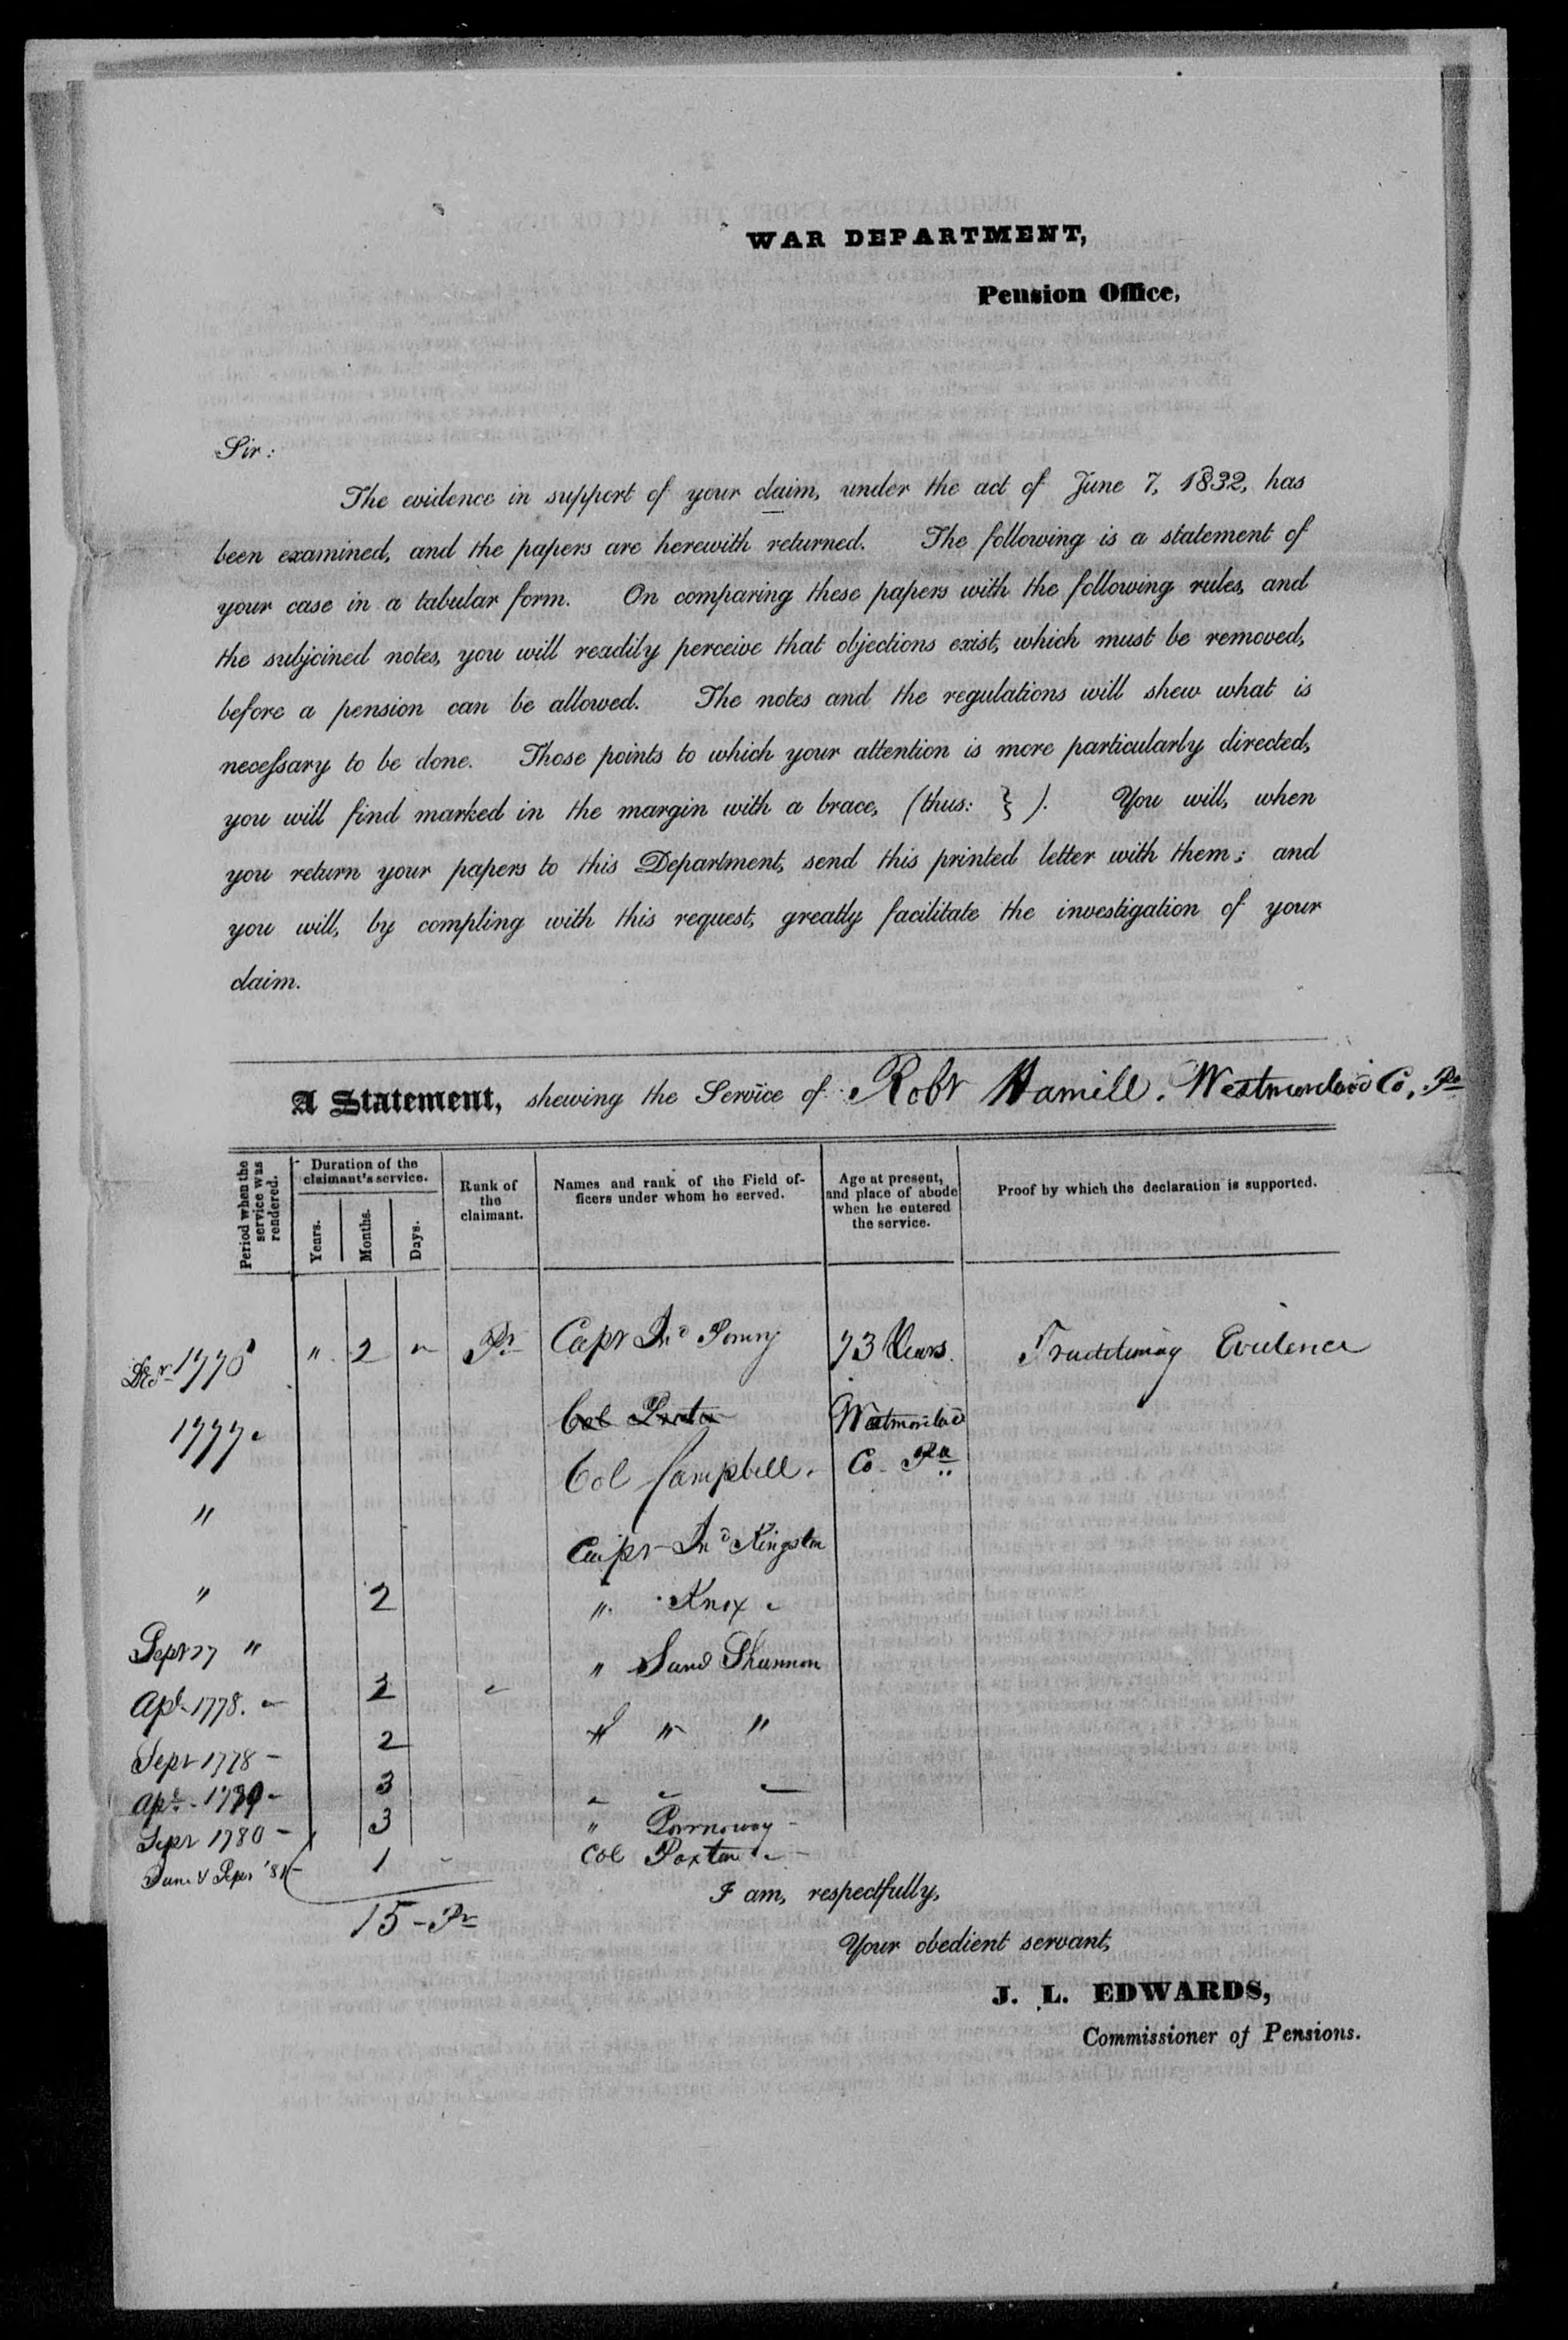WAR DEPARTMENT
PENSION OFFICE

Sir
     The evidence in support of your claim under the act of June 7, 1832, has been examined and the papers are herewith returned.     The following is a statement of your case in a tabular form.     On comparing these papers with the following rules, and the subjoined notes, you will readily perceive that objections
Exist, which must be removed, before a pension can be allowed.    The notes and the regulations will show what is necessary to be done.     Those points to which your attention is more particularly directed, you will find marked in the margin with a brace, (thus: } ).     You will, when you return your papers to this Department, send this printed letter with them; and you will, by compling with this request, greatly facilitate the investigation of your claim.
—————————————————————————
A STATEMENT, shewing the Service of Robt. Hamill. Westmoreland Co., Pa
===================================
8 Columns:
Period when the service was rendered.
DE. 1770, 1777, 1777, 1777, Sept 27 1777,
APL 1778. - Sept 1778 - June & Sept 1781 -
————————————————————————-
Duration of the claimant’s service -
————————————————————————-
Years, Months & Days -
1, 2,  - Sept 77 2 months APL 78 2 months, Sept 78 - 2 months
1780 3 months , 1781 3 months 
—————————————————————————
15 pr -
—————————————————————————
Rank of the claimant:
===================================
1770 Private
1778 Private
—————————————————————————
Names and rank of the Field officers under whom he served.
—————————————————————————
Capt. J. Pomry 1770, Col Paxton was crossed through 1777, Col Campbell 1777, Capt I. Kingston 1777, Capt Knox 1777, Capt S Shuman 1778, (3 x in 78-80) Capt. J. Pomry 1780, Col Paxton, 81
—————————————————————————
I am respectfully
Your obedient servant
J.L. EDWARDS,
Commissioner of Pensions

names: Jno Kingston, Paxton, Robt Hamill, Knox, Jno Pomry, Pomeroy, J L Edwards, Campbell, Saml Shannon, Paxton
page: 30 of 92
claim: widow's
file: W 1173, Robert Hamill, Penn.